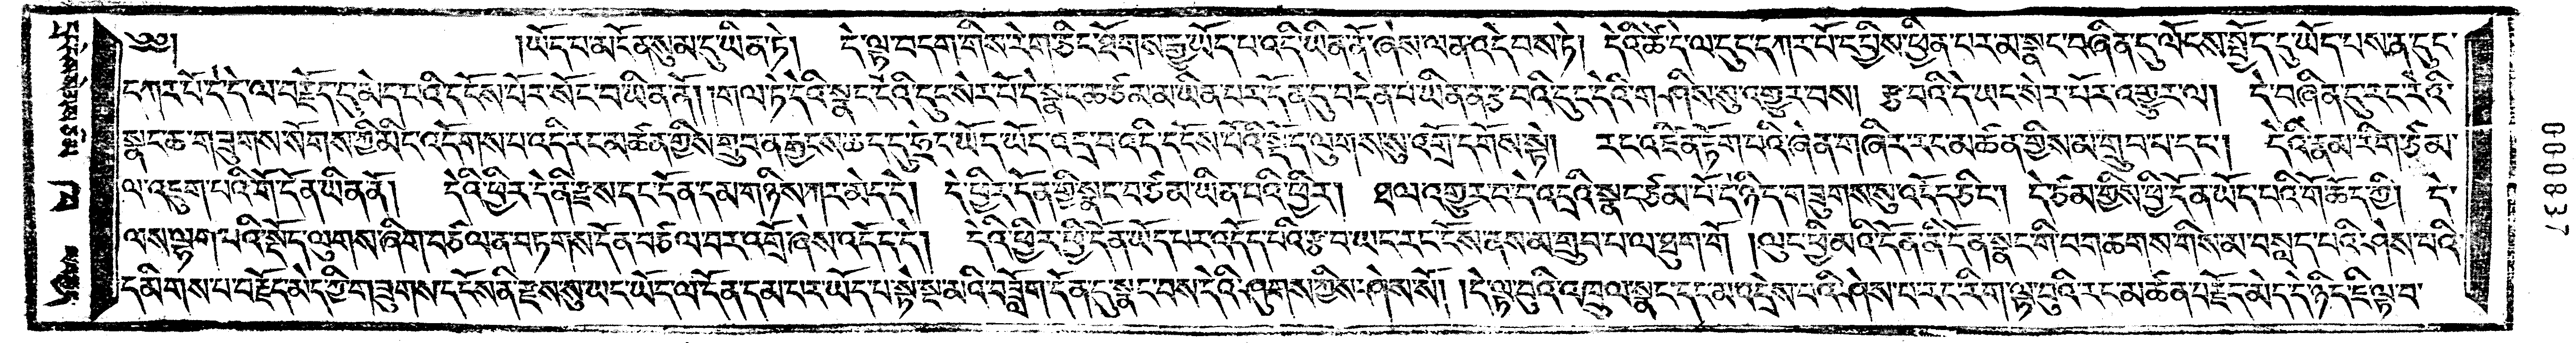༄༅། །ཡོད་པ་མངོན་སུམ་དུ་ཡིན་ཏེ། དེ་ལྟ་བདག་གིས་རེག་ཅིང་ཐོགས་རྒྱུ་ཡོད་པ་འདི་ཡིན་ནོ་ཞེས་ལན་འདེབས་ཏེ། དེའི་ཚེ་དེ་ལ་དུང་དཀར་པོ་དཔྱིས་ཕྱིན་པར་མ་སྣང་བཞིན་དུ་ལོངས་སྤྱོད་དུ་ཡོད་པས་ན་དུང་
དཀར་པོ་དེ་དེ་ལ་བརྗོད་དུ་མེད་པའི་དངོས་པོར་སོང་བ་ཡིན་ནོ། །གལ་ཏེ་དེའི་སྣང་ངོའི་དུང་སེར་པོ་དེ་སྣང་ཆ་ཙམ་མ་ཡིན་པར་དོན་དུ་བདེན་པ་ཡིན་ན་རྩ་བའི་དུང་དེའི་གཤིས་སུ་འགྱུར་བས། རྩ་བའི་དེ་ཡང་སེར་པོར་འགྱུར་ལ། དེ་བཞིན་དུ་རང་རེའི་
སྣང་ཆ་གཟུགས་སོགས་ཀྱི་མིང་འདོགས་པ་འདི་རང་མཚན་གྱིས་གྲུབ་ན་རྒྱངས་ཆད་དུ་ཧྲེང་ཡོད་ཡོད་འདྲ་བ་འདི་དངོས་པོའི་སྡོད་ལུགས་སུ་འགྲོ་དགོས་ཏེ། རང་འཛིན་རྟོག་པའི་ཞེན་གཞིར་རང་མཚན་གྱིས་མ་གྲུབ་པ་དང་། དེའི་རྣམ་རིག་ཙམ་
ལ་འཇུག་པའི་གོ་དོན་ཡིན་ནོ། དེའི་ཕྱིར་དེ་ནི་རྫས་དང་དོན་དམ་གཉིས་ཀར་མེད་དེ། དེ་ཕྱིར་དོན་གྱི་སྣང་བ་ཙམ་ཡིན་པའི་ཕྱིར། ཐལ་འགྱུར་བ་དེ་འདྲའི་སྣང་ཙམ་པོ་དེ་ཉིད་གཟུགས་སུ་འདོད་ཅིང་། དེ་ཙམ་གྱིས་ཕྱི་དོན་ཡོད་པའི་གོ་ཆོད་ཀྱི། དེ་
ལས་ལྷག་པའི་སྡོད་ལུགས་ཞིག་བཙལ་ན་བཏགས་དོན་བཙལ་བར་འགྲོ་ཞེས་འདོད་དེ། དེའི་ཕྱིར་ཕྱི་དོན་ཡོད་པར་འདོད་པའི་རྩ་བ་ཡང་རང་ངོས་ནས་མ་གྲུབ་པ་ལ་ཐུག་གོ །ལུང་ཕྱི་མའི་དོན་ནི་དོན་སྣང་གི་བག་ཆགས་གིས་མ་བསླད་པའི་ཤེས་པའི་
དམིགས་པ་བརྗོད་མེད་ཀྱི་གཟུགས་དངོས་ནི་རྫས་སུ་ཡང་ཡོད་ལ་དོན་དམ་པར་ཡོད་པ་སྟེ་སྔ་མའི་བཟློག་དོན་དུ་སྣང་བས་དེའི་ཤུགས་ཀྱིས་ཤེས་སོ། །དེ་ལྟ་བུའི་འཁྲུལ་སྣང་དང་མ་འདྲེས་པའི་ཤེས་པ་རང་རིག་ལྟ་བུའི་རང་མཚན་བརྗོད་མེད་དེ་ཉིད་ཇི་ལྟ་བ་